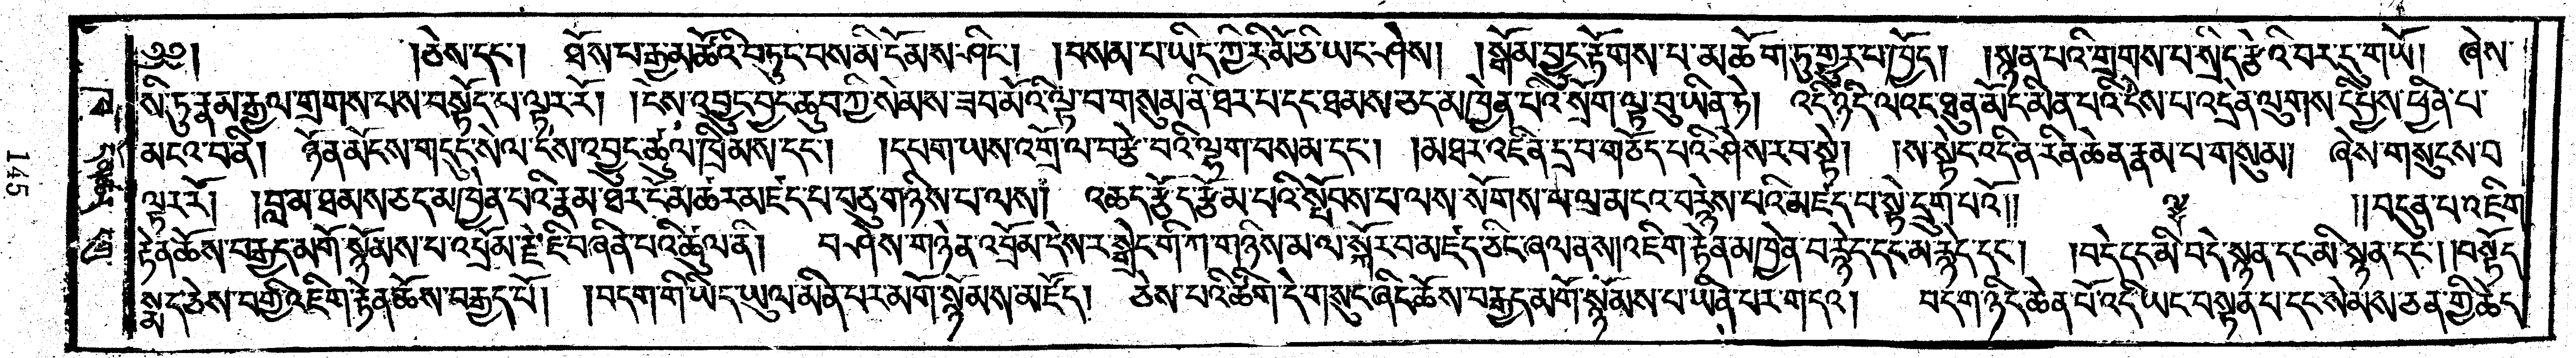༄༅། །ཅེས་དང་། ཐོས་པ་རྒྱ་མཚོའི་བཏུང་བས་མི་ངོམས་ཤིང་། །བསམ་པ་ཡིད་ཀྱི་རི་མོ་ཅི་ཡང་ཤེས། །སྒོམ་བྱུང་རྟོགས་པ་མཆོག་ཏུ་གྱུར་པ་ཁྱོད། །སྙན་པའི་གྲགས་པ་སྲིད་རྩེའི་བར་དུ་གཡོ། ཞེས་
སི་ཏུ་རྣམ་རྒྱལ་གྲགས་པས་བསྟོད་པ་ལྟར་རོ། །ངེས་འབྱུང་བྱང་ཆུབ་ཀྱི་སེམས་ཟབ་མོའི་ལྟ་བ་གསུམ་ནི་ཐར་པ་དང་ཐམས་ཅད་མཁྱེན་པའི་སྲོག་ལྟ་བུ་ཡིན་ཏེ། འདི་ཉིད་ལའང་ཐུན་མོང་མིན་པའི་ངེས་པ་འདྲེན་ལུགས་དཔྱིས་ཕྱིན་པ་
མངའ་བ་ནི། ཉོན་མོངས་གདུང་སེལ་ངེས་འབྱུང་ཚུལ་ཁྲིམས་དང་། །དཔག་ཡས་འགྲོ་ལ་བརྩེ་བའི་ལྷག་བསམ་དང་། །མཐར་འཛིན་དྲ་བ་གཅོད་པའི་ཤེས་རབ་སྟེ། །ས་སྟེང་འདི་ན་རིན་ཆེན་རྣམ་པ་གསུམ། ཞེས་གསུངས་བ་
ལྟར་རོ། །བླ་མ་ཐམས་ཅད་མཁྱེན་པའི་རྣམ་ཐར་ངོ་མཚར་མཛད་པ་བཅུ་གཉིས་པ་ལས། འཆད་རྩོད་རྩོམ་པའི་སྤོབས་པ་ལས་སོགས་པ་ལ་མངའ་བརྙེས་པའི་མཛད་པ་སྟེ་དྲུག་པའོ།། ༈ །།བདུན་པ་འཇིག་
རྟེན་ཆོས་བརྒྱད་མགོ་སྙོམས་པ་འབྲོམ་རྗེ་ཇི་བཞིན་པའི་ཚུལ་ནི། བཤེས་གཉེན་འབྲོམ་དེས་ར་སྒྲེང་གི་ཀ་གཉིས་མ་ལ་སྐོར་བ་མཛད་ཅིང་ཞལ་ནས། འཇིག་རྟེན་མཁྱེན་བ་རྙེད་དང་མ་རྙེད་དང་། །བདེ་དང་མི་བདེ་སྙན་དང་མི་སྙན་དང་། །བསྟོད་
སྨད་ཅེས་བགྱི་འཇིག་རྟེན་ཆོས་བརྒྱད་པོ། །བདག་གི་ཡིད་ཡུལ་མིན་པར་མགོ་སྙོམས་མཛོད། ཅེས་པའི་ཚིག་དེ་གསུང་ཞིང་ཆོས་བརྒྱད་མགོ་སྙོམས་པ་ཡིན་པར་གདའ། བདག་ཉིད་ཆེན་པོ་འདི་ཡང་བསྟན་པ་དང་སེམས་ཅན་གྱི་ཆེད་